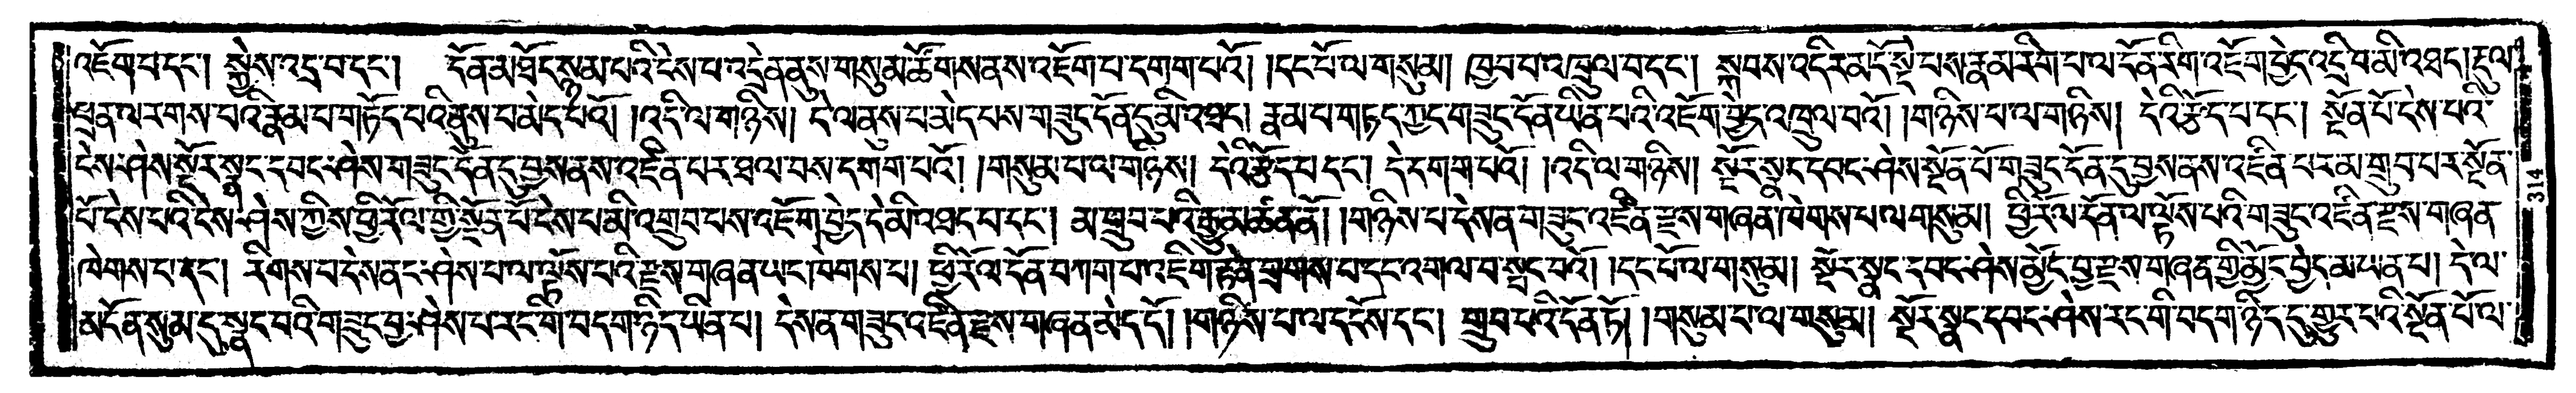འཇོག་པ་དང་། སྐྱེས་འདྲ་བ་དང་། དོན་མཐོང་སྙམ་པའི་ངེས་པ་འདྲེན་ནུས་གསུམ་ཚོགས་ནས་འཇོག་པ་དགག་པའོ། །དང་པོ་ལ་གསུམ། ཁྱབ་པ་འཁྲུལ་བ་དང་། སྐབས་འདིར་མདོ་སྡེ་པས་རྣམ་རིག་པ་ལ་དོན་རིག་འཇོག་བྱེད་འདྲི་བ་མི་འཐད། རྡུལ་
ཕྲན་ལ་རགས་པའི་རྣམ་པ་གཏོད་པའི་ནུས་པ་མེད་པའོ། །འདི་ལ་གཉིས། དེ་ལ་ནུས་པ་མེད་པས་གཟུང་དོན་དུ་མི་འཐད། རྣམ་པ་གཏད་ཀྱང་གཟུང་དོན་ཡིན་པའི་འཇོག་བྱེད་འཁྲུལ་བའོ། །གཉིས་པ་ལ་གཉིས། དེའི་རྩོད་པ་དང་། སྔོན་པོ་ངེས་པའི་
ངེས་ཤེས་སྡོར་སྣང་དབང་ཤེས་གཟུང་དོན་དུ་བྱས་ནས་འཛིན་པར་ཐལ་བས་དགག་པའོ། །གསུམ་པ་ལ་གཉིས། དེའི་རྩོད་པ་དང་། དེ་དགག་པའོ། །འདི་ལ་གཉིས། སྔོར་སྣང་དབང་ཤེས་སྔོན་པོ་གཟུང་དོན་དུ་བྱས་ནས་འཛིན་པར་མ་གྲུབ་པར་སྔོན་
པོ་ངེས་པའི་ངེས་ཤེས་ཀྱིས་ཕྱི་རོལ་གྱི་སྔོན་པོ་ངེས་པ་མི་འགྲུབ་པས་འཇོག་བྱེད་དེ་མི་འཐད་པ་དང་། མ་གྲུབ་པའི་རྒྱུ་མཚན་ནོ། །གཉིས་པ་དེས་ན་གཟུང་འཛིན་རྫས་གཞན་ཁེགས་པ་ལ་གསུམ། ཕྱི་རོལ་དོན་ལ་ལྟོས་པའི་གཟུང་འཛིན་རྫས་གཞན་
ཁེགས་པ་དང་། རིགས་པ་དེས་ནང་ཤེས་པ་ལ་ལྟོས་པའི་རྫས་གཞན་ཡང་ཁེགས་པ། ཕྱི་རོལ་དོན་བཀག་པ་འཇིག་རྟེན་གྲགས་པ་དང་འགལ་བ་སྤང་བའོ། །དང་པོ་ལ་གསུམ། སྡོར་སྣང་དབང་ཤེས་མྱོང་བྱ་རྫས་གཞན་གྱི་མྱོང་བྱེད་མ་ཡིན་པ། དེ་ལ་
མངོན་སུམ་དུ་སྣང་བའི་གཟུང་བྱ་ཤེས་པ་རང་གི་བདག་ཉིད་ཡིན་པ། དེས་ན་གཟུང་འཛིན་རྫས་གཞན་མེད་དོ། །གཉིས་པ་ལ་དངོས་དང་། གྲུབ་པའི་དོན་ཏོ། །གསུམ་པ་ལ་གསུམ། སྔོར་སྣང་དབང་ཤེས་རང་གི་བདག་ཉིད་དུ་གྱུར་པའི་སྔོན་པོ་ལ་